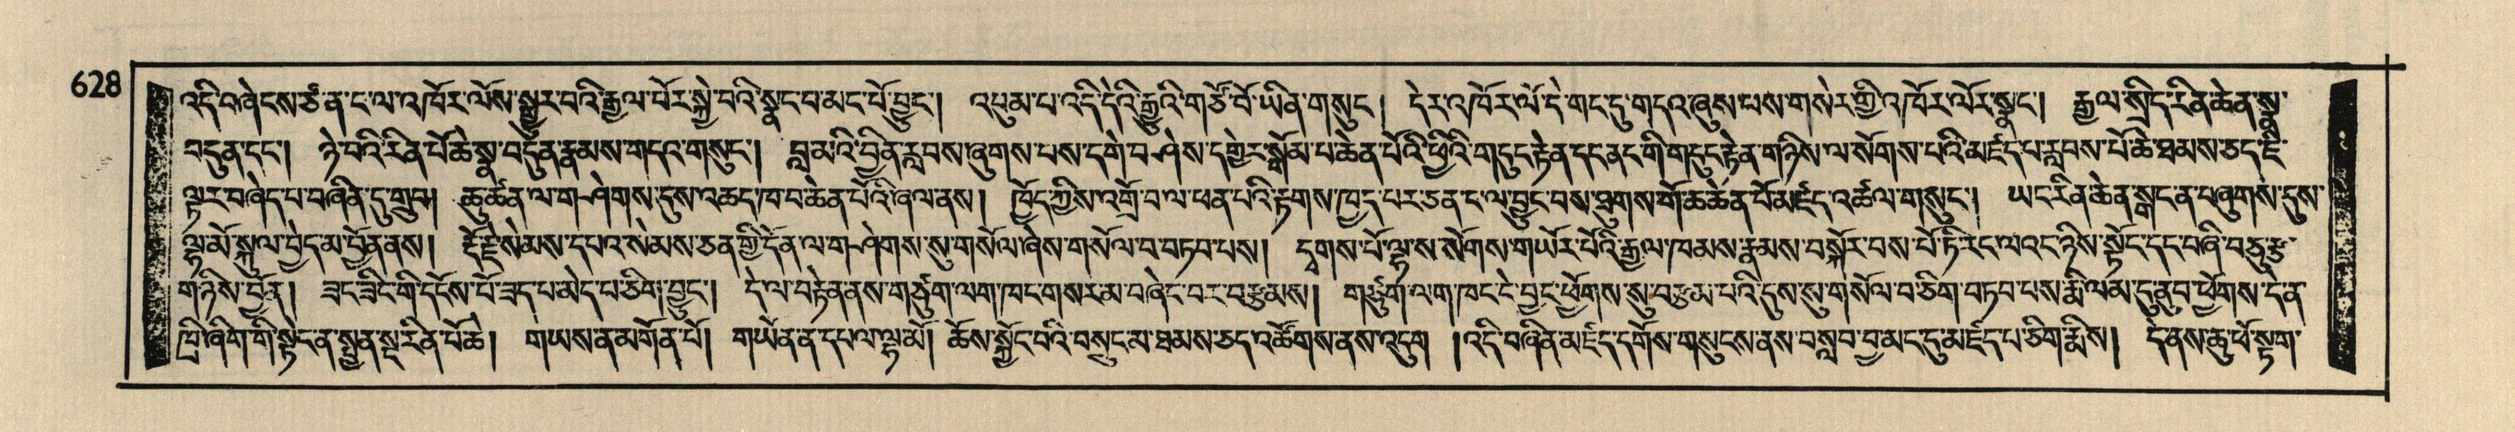འདི་བཞེངས་ཙ་ན་ང་ལ་འཁོར་ལོས་སྒྱུར་བའི་རྒྱལ་བོར་སྐྱེ་བའི་སྣང་པ་མང་པོ་བྱུང་། འབུམ་པ་འདི་དེའི་རྒྱུའི་གཙོ་བོ་ཡིན་གསུང་། དེར་འཁོར་ལོ་དེ་གང་དུ་གདའ་ཞུས་པས་གསེར་གྱི་འཁོར་ལོར་སྣང་། རྒྱལ་སྲིད་རིན་ཆེན་སྣ་
བདུན་དང་། ཉེ་བའི་རིན་པོ་ཆེ་སྣ་བདུན་རྣམས་གདའ་གསུང་། བླ་མའི་བྱིན་རླབས་ཞུགས་པས་དགེ་བཤེས་དགྱེར་སྒོམ་པ་ཆེན་པོའི་ཕྱིའི་གདུང་རྟེན་དང་ནང་གི་གདུང་རྟེན་གཉིས་ལ་སོགས་པའི་མཛད་པ་རླབས་པོ་ཆེ་ཐམས་ཅད་ཇི་
ལྟར་བཞེད་པ་བཞིན་དུ་གྲུབ། ཆུ་ཚན་ལ་གཤེགས་དུས་འཆད་ཁ་བ་ཆེན་པོའི་ཞལ་ནས། ཁྱོད་ཀྱིས་འགྲོ་བ་ལ་ཕན་པའི་རྟགས་ཁྱད་པར་ཅན་ང་ལ་བྱུང་བས་ཐུགས་གོ་ཆ་ཆེན་པོ་མཛད་འཚལ་གསུང་། ཡང་རིན་ཆེན་སྒང་ན་བཞུགས་དུས་
ལྷ་མོ་སྐུལ་བྱེད་མ་བྱོན་ནས། རྡོ་རྗེ་སེམས་དཔའ་སེམས་ཅན་གྱི་དོན་ལ་གཤེགས་སུ་གསོལ་ཞེས་གསོལ་བ་བཏབ་པས། དྭགས་པོ་ལྷ་ས་སོགས་གཡོར་པོའི་རྒྱལ་ཁམས་རྣམས་བསྐོར་བས་པོ་ཏི་རང་ལའང་ཉིས་སྟོང་དང་བཞི་བཅུ་རྩ་
གཉིས་བྱོན། ཟང་ཟིང་གི་དངོས་པོ་ཟད་པ་མེད་པ་ཅིག་བྱུང་། དེ་ལ་བརྟེན་ནས་གཙུག་ལག་ཁང་གསར་མ་བཞེང་བར་བརྩམས། གཙུག་ལག་ཁང་ངེ་བྱང་ཕྱོགས་སུ་བརྩམ་པའི་དུས་སུ་གསོལ་བ་ཅིག་བཏབ་པས་རྨི་ལམ་དུ་ནུབ་ཕྱོགས་དེ་ན་
ཁྲི་ཞིག་གི་སྟེང་ན་སྤྱན་སྔ་རིན་པོ་ཆེ། གཡས་ན་མགོན་པོ། གཡོན་ན་དཔལ་ལྷ་མོ། ཆོས་སྐྱོང་བའི་བསྲུང་མ་ཐམས་ཅད་འཚོགས་ནས་འདུག །འདི་བཞིན་མཛད་དགོས་གསུངས་ནས་བསླབ་བྱ་མང་དུ་མཛད་པ་ཅིག་རྨིས། དེ་ནས་ཆུ་ཕོ་སྟག་